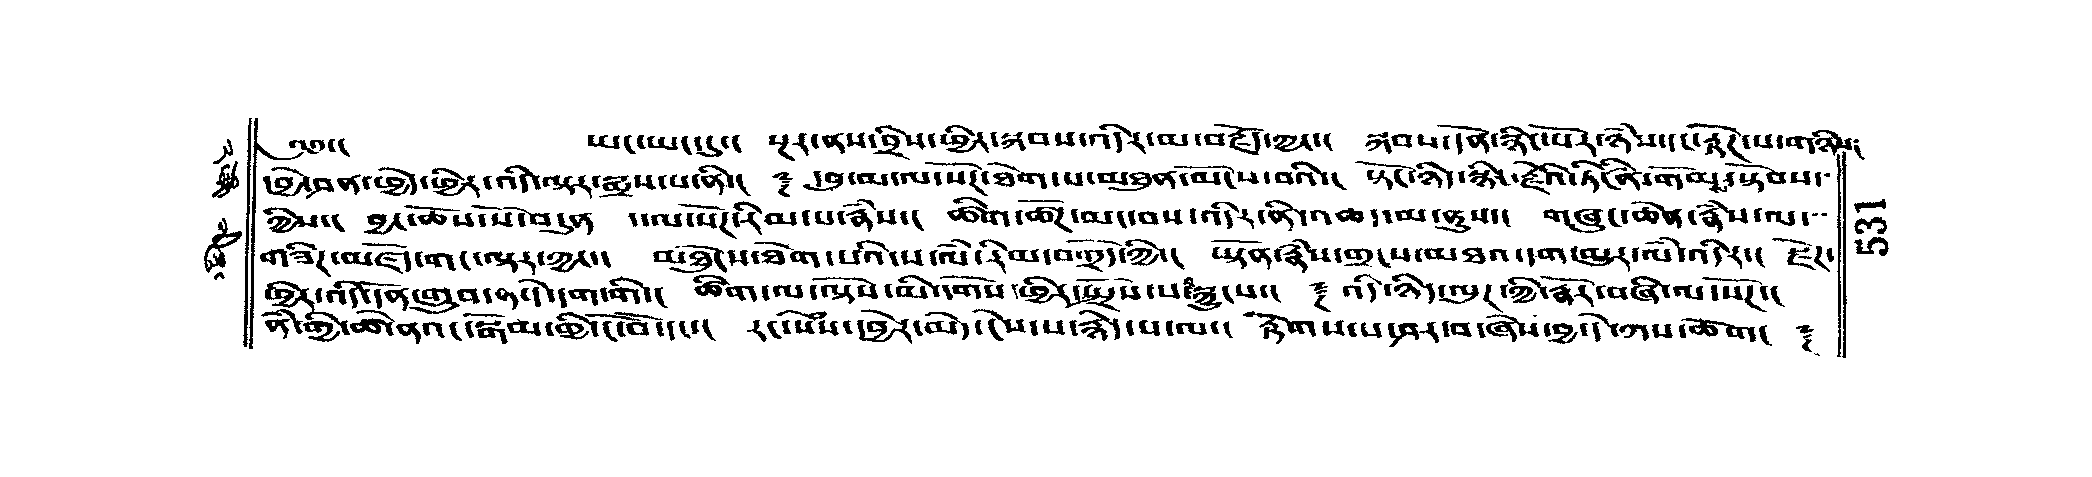ཡང་ཡང་དུ། །སྔར་ནས་བྲིས་ཕྱིར་སྐབས་འདིར་མ་བརྗོད་ཀྱང་། །སྐབས་དོན་སྙིང་པོར་ཉམས་དང་རྟོགས་པ་གཉིས། །
དབྱེ་ཤན་ཕྱེད་ཕྱིར་འདི་ལྟར་སྨྲས་པ་ནི། ༈ དབུ་མ་ལ་སོགས་ཐེག་པ་ཐུན་མོང་བའི། །སྟོང་ཉིད་སྙིང་རྗེའི་ཏིང་འཛིན་གོམས་སྟོབས་
ཀྱིས། །བྱང་ཆོས་སོ་བདུན་ལ་སོགས་རིམ་པ་རྣམས། །ཚིག་ཚོགས་མང་བས་འདིར་ནི་འཆད་མ་ནུས། །གཞུང་ཆེན་རྣམས་ལ་
གཟིགས་མཛོད་གང་ལྟར་ཀྱང་། །ཐུན་མོང་ཐེག་པའི་ས་ལམ་རིམ་བགྲོད་ཀྱི། །ཡོན་ཏན་རྣམ་གྲངས་མཐའ་དག་མྱུར་ལམ་འདིར། །རྫོགས་
ཕྱིར་འདི་དོན་གྲུབ་ན་དེ་དག་གི།ཚིག་ལ་ལྟོས་མི་དགོས་ཕྱིར་སྤྲོས་པ་སྐྱུངས། ༈ འདི་ཉིད་ལུགས་ཀྱི་རྣལ་འབྱོར་བཞི་ལ་སོགས། །
ནམ་གྱི་ཚེ་ནའང་སྒོམ་གྱི་ངོ་བོ་དང་། །རང་སེམས་དབྱེར་མེད་ངེས་པ་རྙེད་པ་ལ། །རྟོགས་པ་ཤར་བ་ཞེས་བྱ་དེ་ཀས་ཆོག ༈